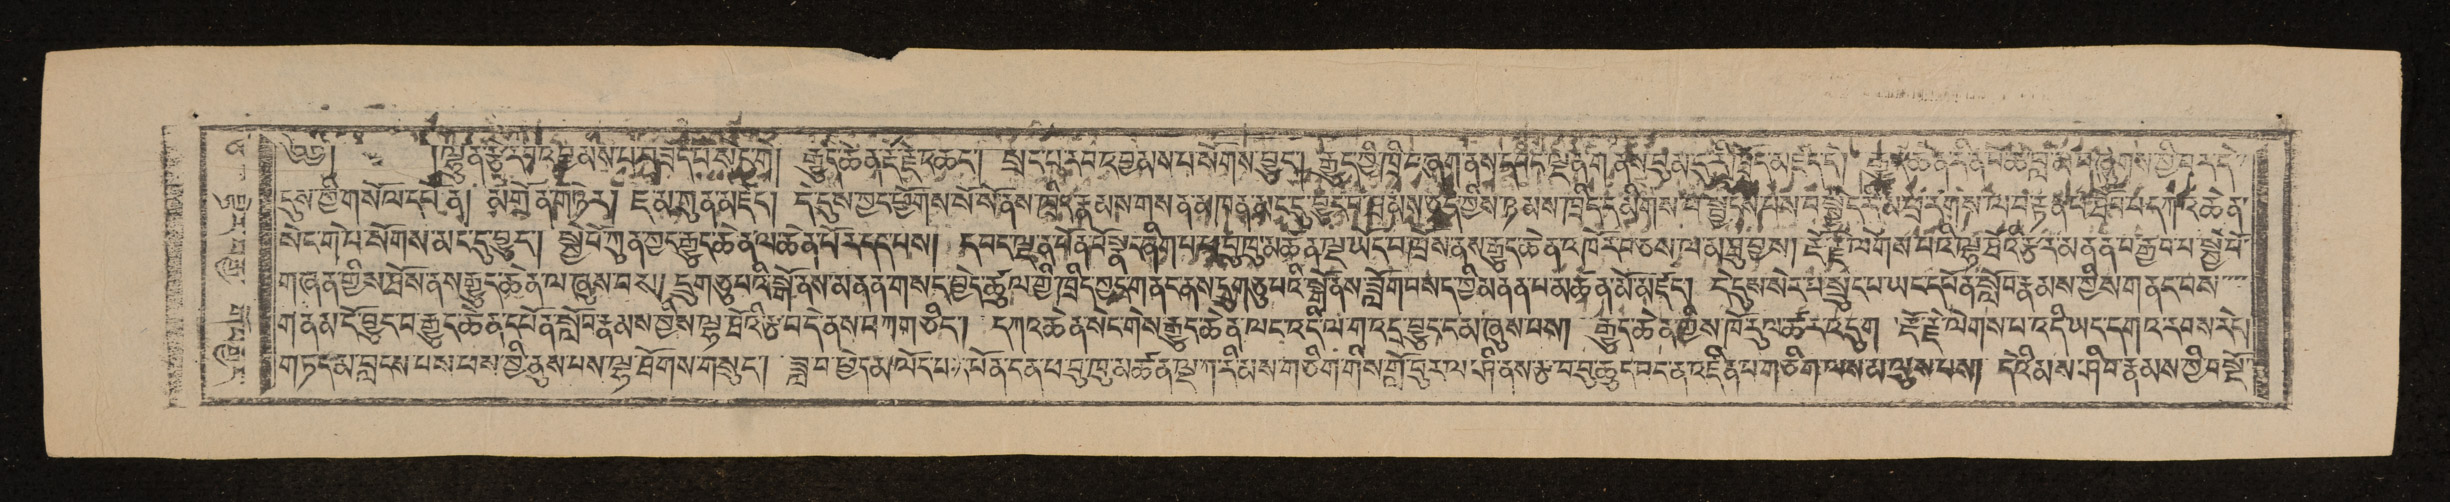༄༅། །ལྷུན་རྩེ་རབ་འབྱམས་པ་བཟོད་པ་སེང་གེ། རྒྱུད་ཆེན་རྡོ་རྗེ་འཆང་། སྲད་པ་རབ་འབྱམས་པ་སོགས་བྱུང་། རྒྱུད་ཀྱི་ཁྲི་བཞག་ནས་དབང་ལྡན་གནས་བུམ་དུ་རི་ཁྲོད་མཛད་དེ། རྒྱུད་ཆེན་རིན་པོ་ཆེ་བླ་མ་བཞུགས་ཀྱི་བར་དེ་
དུས་ཀྱི་གསོལ་དཔོན། མགྲོན་གཉེར། ཇ་མ་ཀུན་མཛད། དེ་དུས་ཀྱང་ཕྱོགས་སོ་སོ་ནས་ཁྲིད་རྣམས་གསན་མཁན་མང་དུ་བྱུང་བ་ཐམས་ཅད་ཀྱིས་ཉམས་ཁྲིད་དམིགས་པ་སྦྱངས་པས་བསྐྱེད་རིམ་ཕྲ་རགས་ལ་བརྟན་པ་ཐོབ་པ་དཀའ་ཆེན་
སེང་གེ་པ་སོགས་མང་དུ་བྱུང་། སྐྱེ་བོ་ཀུན་ཀྱང་རྒྱུད་ཆེན་ལ་ཆེན་པོར་དད་པས། དབང་ལྡན་བོན་པོ་སྣང་ཞིག་པ་ཕ་བུ་ཁུ་མཚན་ལྔ་ཡོད་པ་ཁྲོས་ནས་རྒྱུད་ཆེན་འཁོར་བཅས་ལ་མཐུ་བྱས། རྡོ་རྗེ་ལེགས་པའི་ལྷ་ཐོའི་རྩར་མནན་པ་རྒྱབ་པ་སྐྱེ་བོ་
གཞན་གྱིས་ཐོས་ནས་རྒྱུད་ཆེན་ལ་ཞུས་པས། དྲུག་ཅུ་པའི་སྒོ་ནས་མནན་གསང་བྱེད་ཚུལ་གྱི་ཁྲིད་ཀྱང་གནང་ནས་དྲུག་ཅུ་པའི་སྒོ་ནས་ཟློག་བསང་ཀྱི་མནན་པ་མཚན་མོ་མཛད། དེ་དུས་སེར་པ་སྲུང་པ་ཡང་དཔོན་སློབ་རྣམས་ཀྱིས་གནང་བས་
གནམ་ངོ་བྱུང་བ་རྒྱུད་ཆེན་དཔོན་སློབ་རྣམས་ཀྱིས་ལྷ་ཐོའི་རྩ་བ་དེ་ནས་བཀག་ཅིང་། དཀའ་ཆེན་སེང་གེས་རྒྱུད་ཆེན་ལ་ད་འདི་ལ་ག་འདྲ་བྱུང་ངམ་ཞུས་པས། རྒྱུད་ཆེན་གྱིས་ཁོ་རུལ་ཚར་འདུག །རྡོ་རྗེ་ལེགས་པ་འདི་ཡང་དགའ་རབས་རེད།
གཏད་མ་བླངས་པས་ཕས་ཀྱི་ནུས་པས་ལྷ་ཐོགས་གསུང་། ཟླ་བ་ཕྱེད་མ་ལོང་བར་བོན་ངན་ཕ་བུ་ཁུ་མཚན་ལྔ་ཀ་རིམས་གཅིག་གིས་གློ་བུར་ལ་ཤི་ནས་རྩ་བ་བུ་ཆུང་བང་ན་འཛིན་པ་གཅིག་ལས་མ་ལུས་པས། དེའི་མས་ཤི་བ་རྣམས་ཀྱི་བསྔོ་